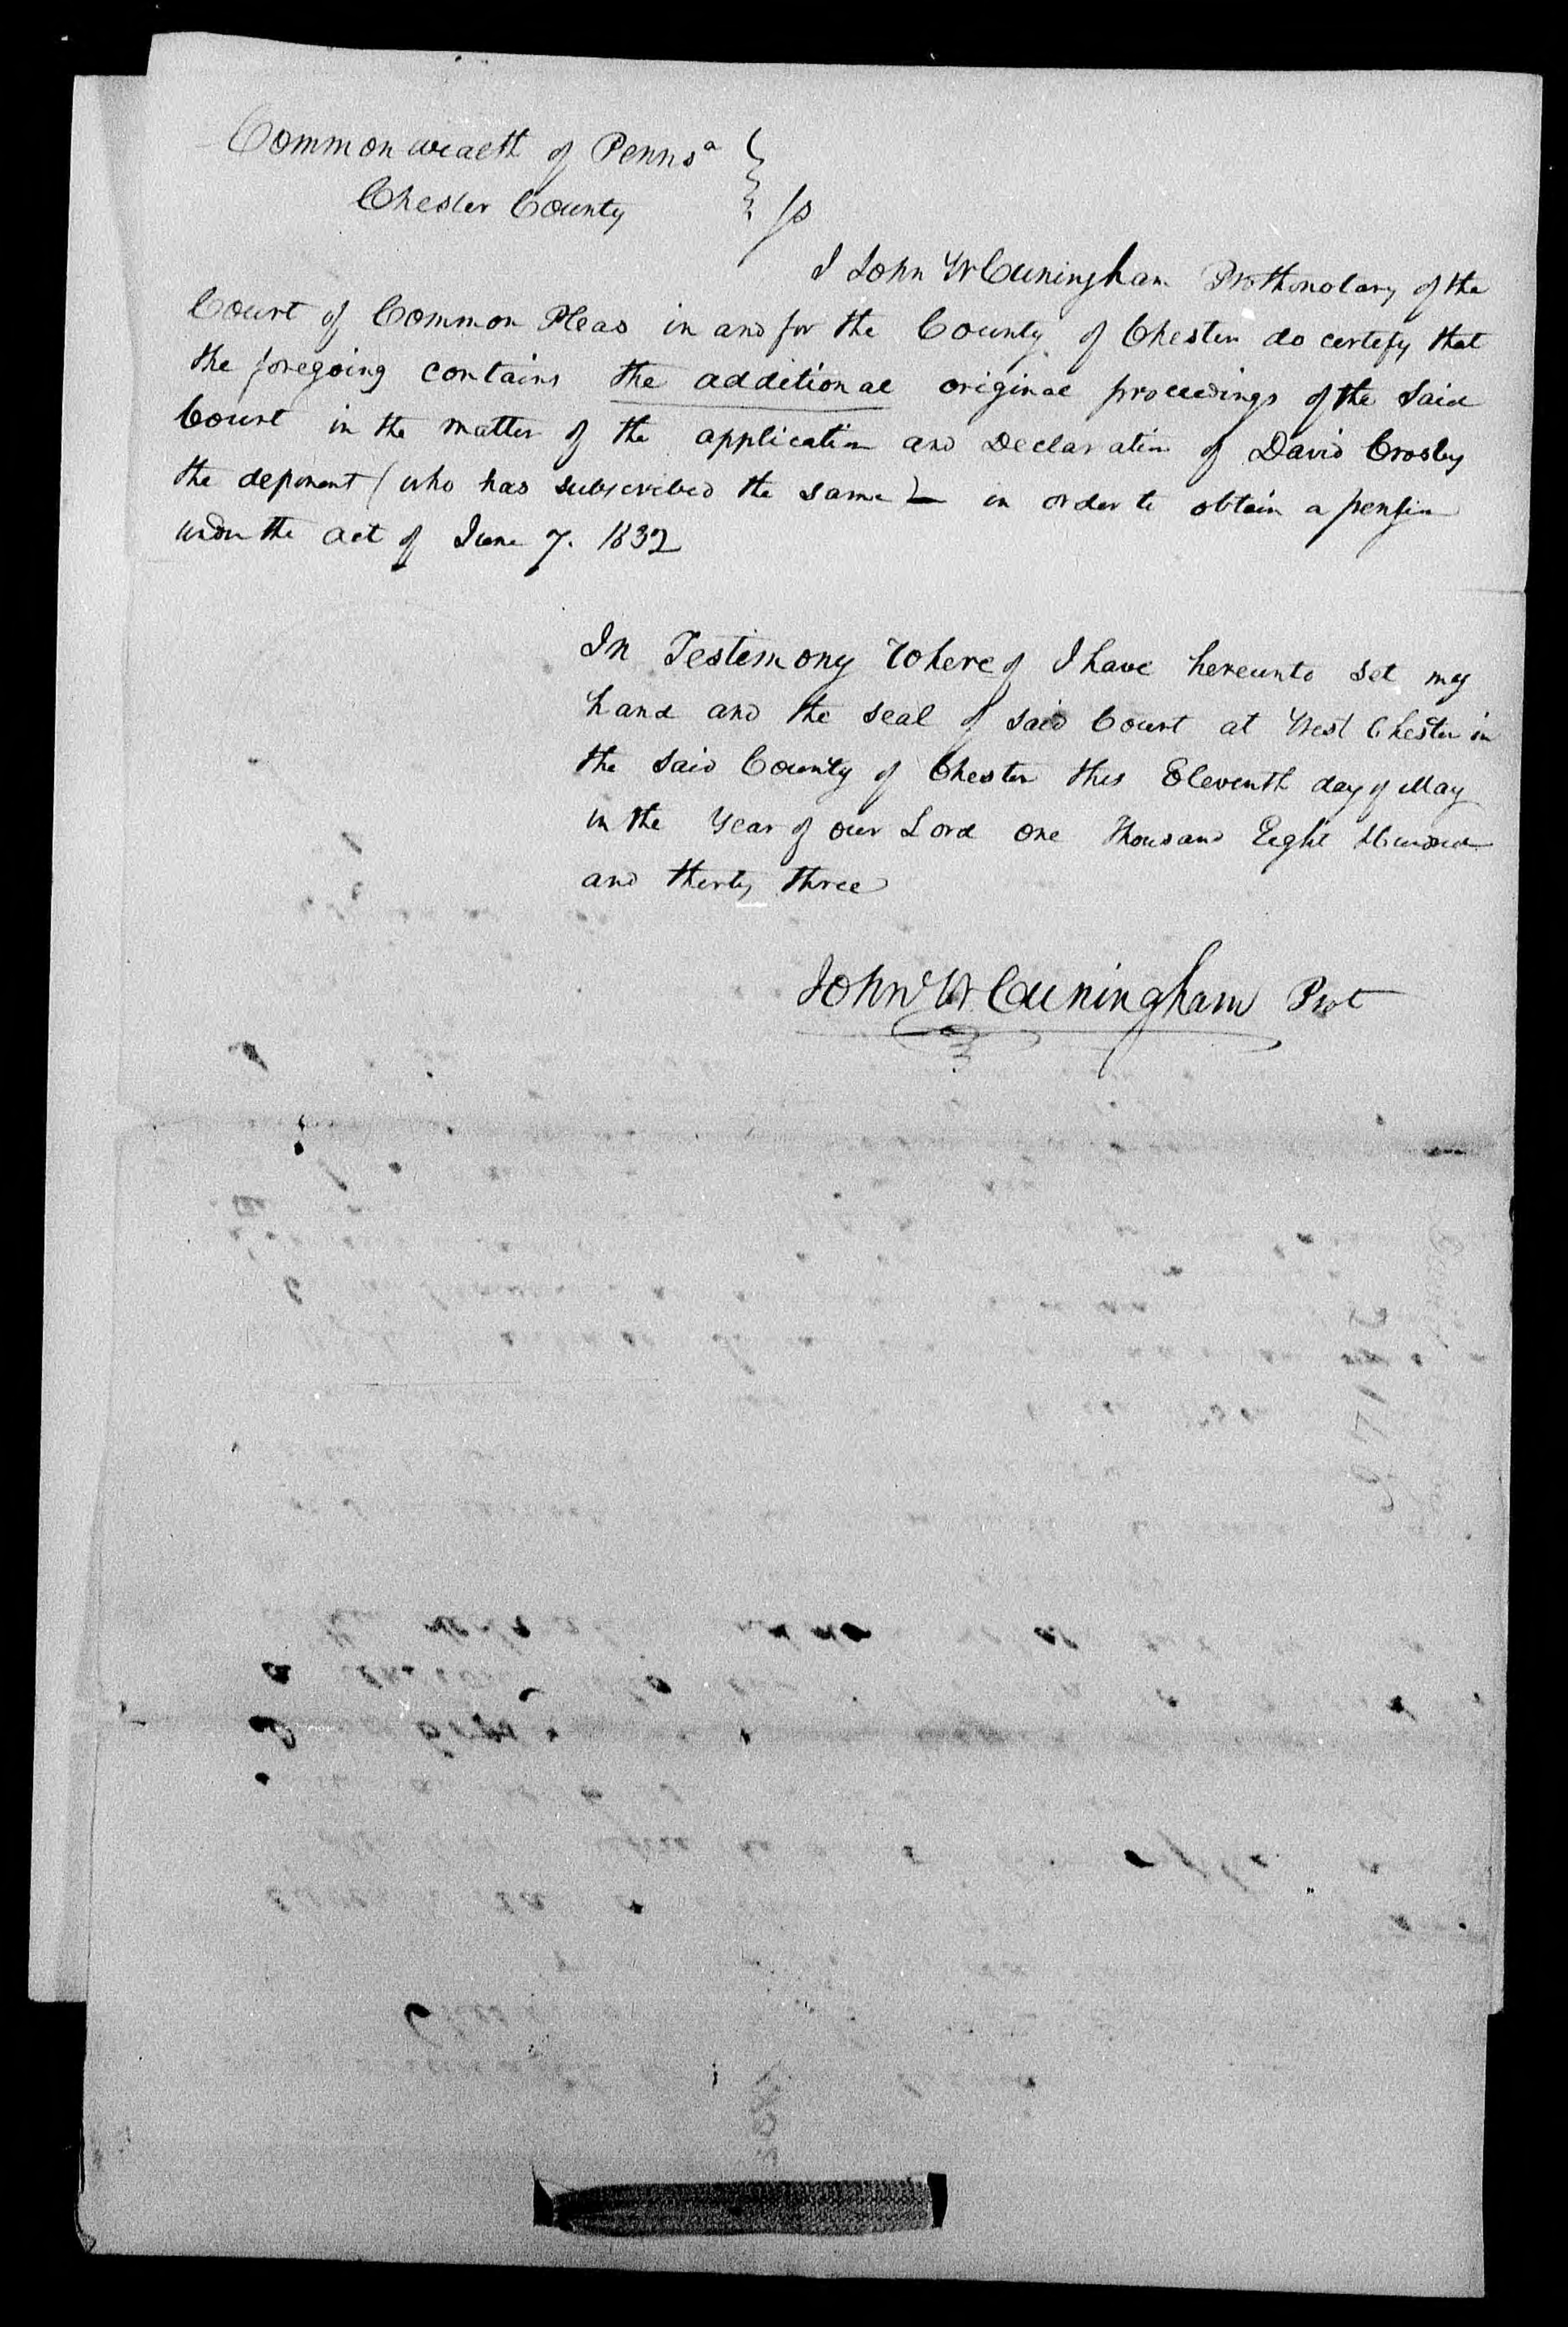Commonwealth of Penns
Chester County

I John W Cuningham Prothonotary of the
Court of Common Pleas in and for the County of Chester do certify that the
foregoing contains the additional original proceedings of the said
Court in the matter of the application and Declaration of David Crosby
the deponent who has subscribed the same in order to obtain a pension
on the act of June 7, 1832
In Testimony whereof I have hereunto set my
hand and the seal of said Court at West Chester in
the said County of Chester this Eleventh day of May
in the year of our Lord one thousand Eight Hundred
and thirty three
John W Cuningham Prot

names: John W Cuningham, John W Cuningham, David Crosby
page: 12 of 19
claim: survivor's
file: S. 12626, David Crosby, Penn.